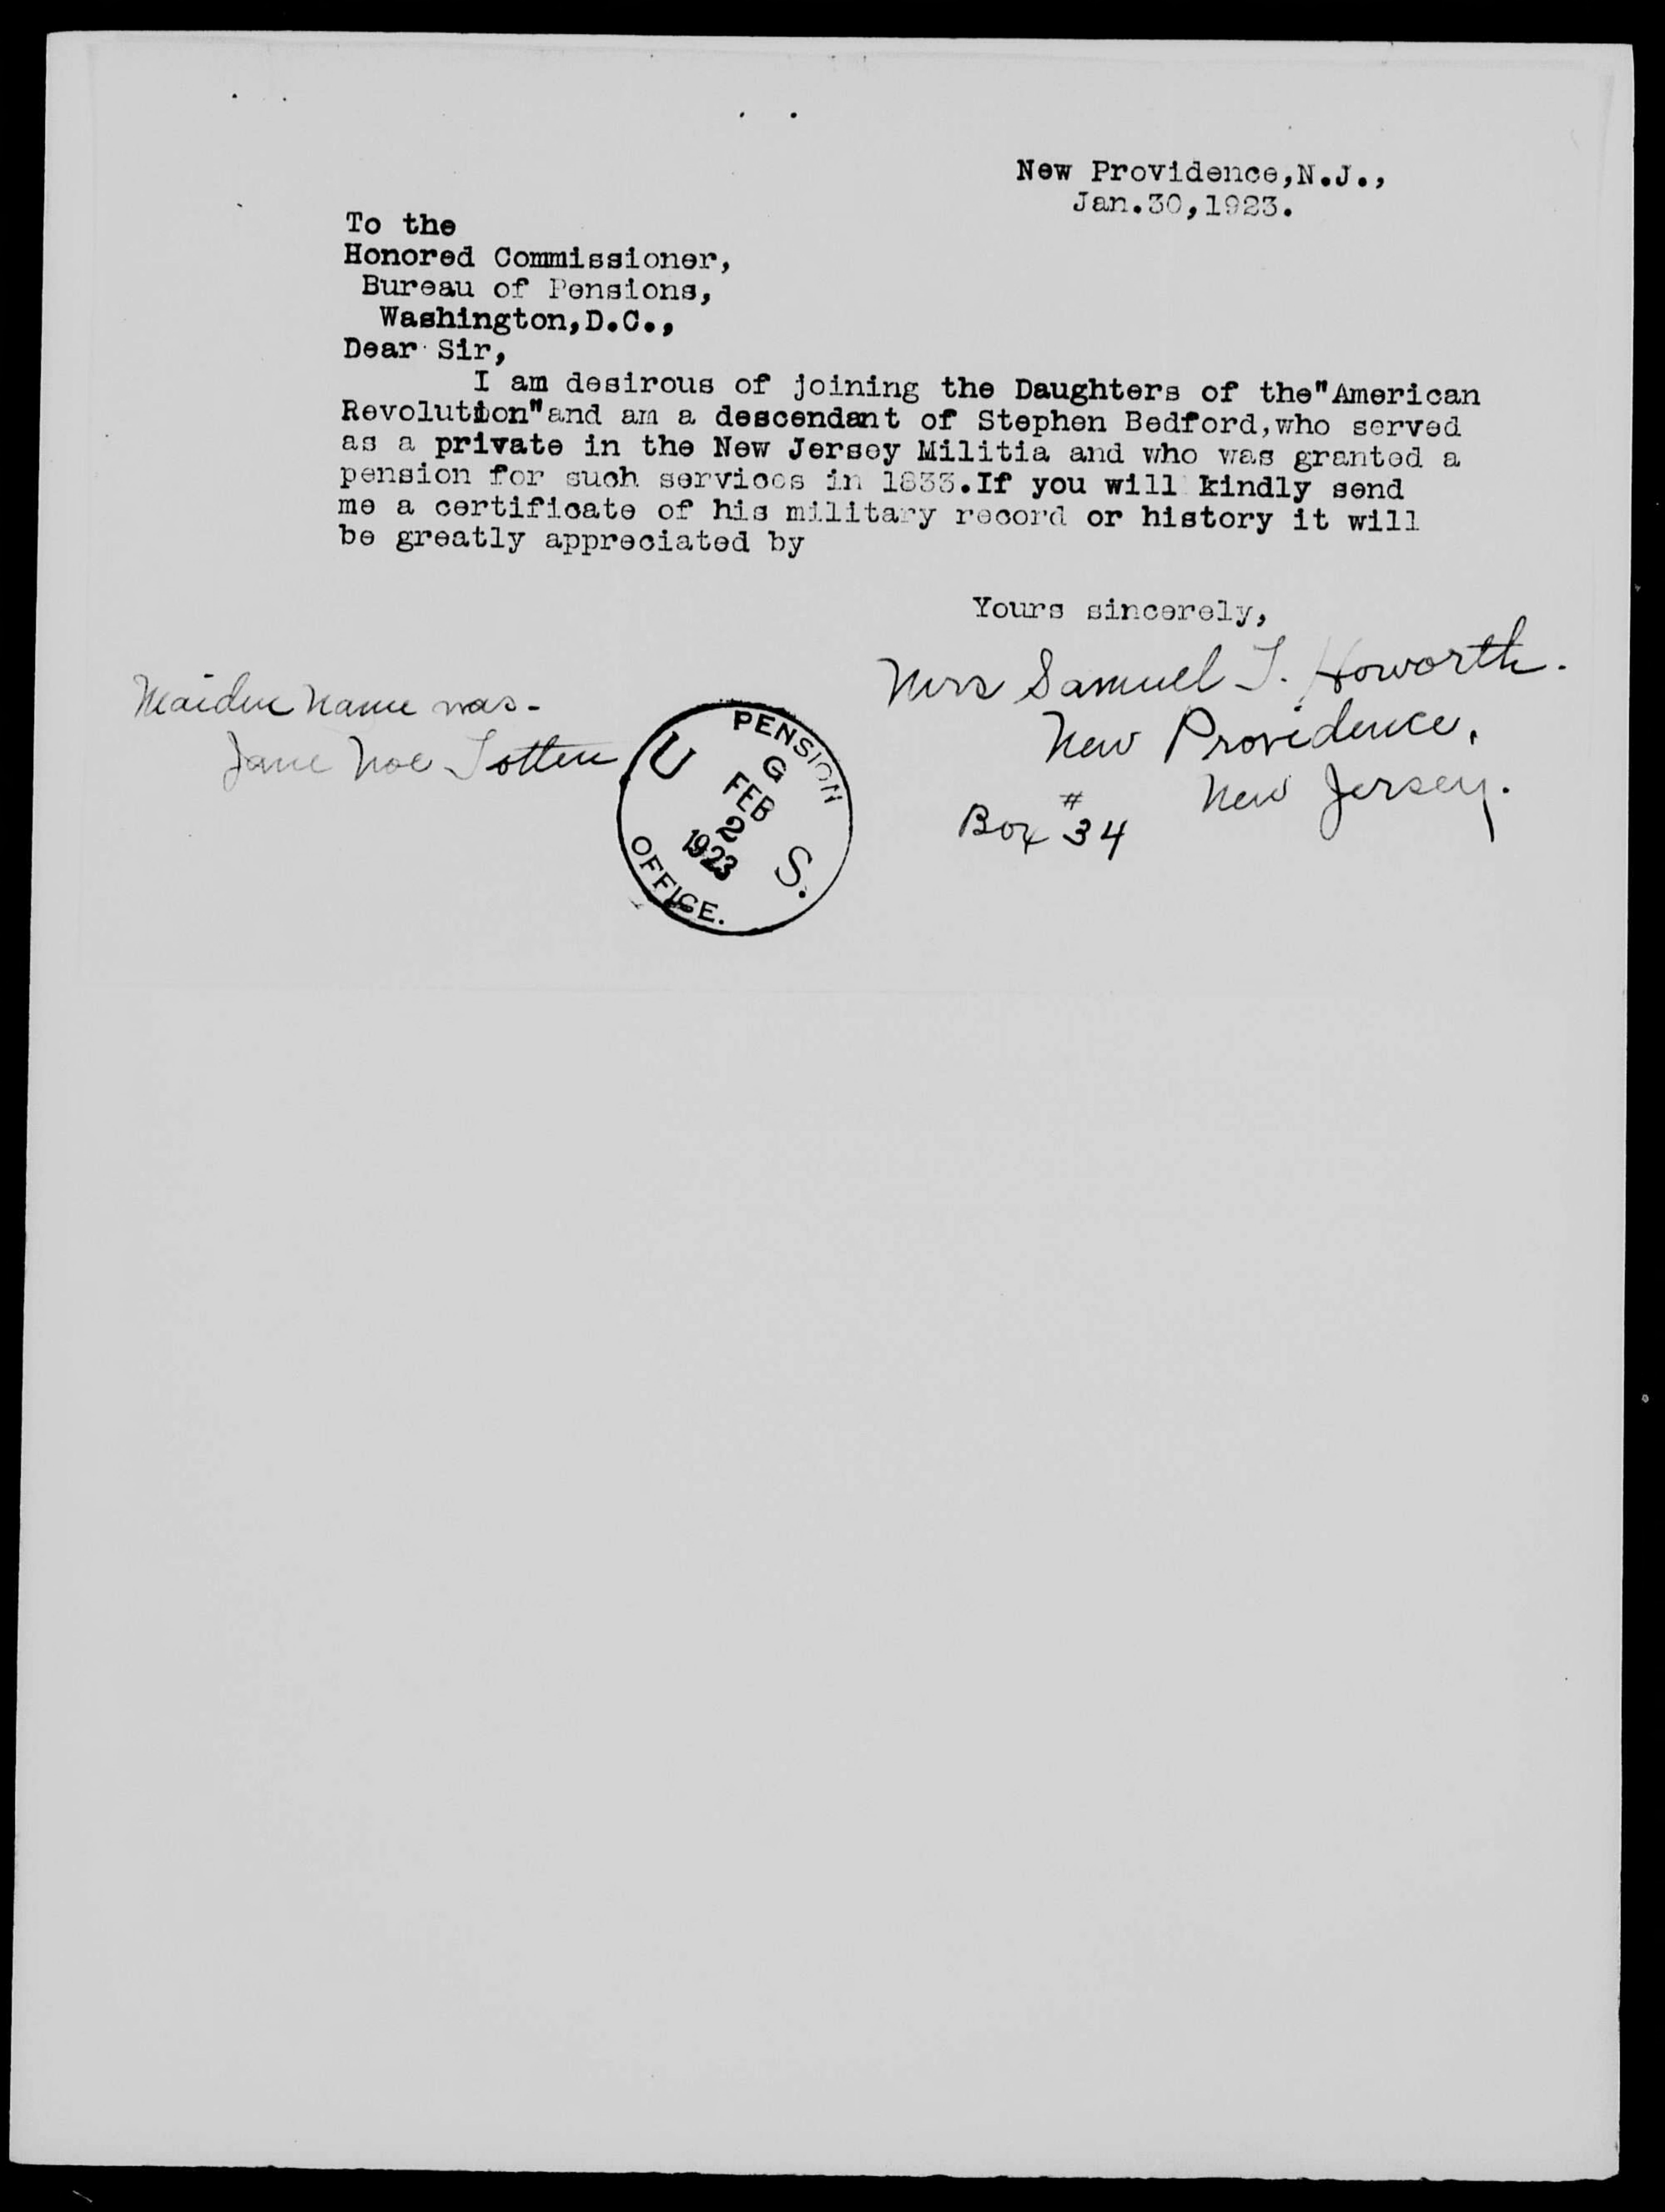New Providence, N. J., Jan. 30, 1923.
To the
Honored Commissioner,
Bureau of Pensions,
Washington, D. C.,
Dear Sir,
I am desirous of joining the Daughters of the American Revolution and am a descendant of Stephen Bedford, who served as a private in the New Jersey Militia and who was granted a
pension for such services in 1833. If you will kindly send me a certificate of his military record or history it will be
greatly appreciated by
Yours sincerely,
Mrs Samuel T. Howorth.
New Providence New Jersey
Box #34
Maiden name was-
Jane Noe Totten
[stamp] U.S. PENSION OFFICE G FEB 2 1923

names: Samuel T Howorth, Jane Noe Totten, Stephen Bedford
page: 29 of 31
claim: survivor's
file: S. 2372, Stephen Bedford, New Jersey